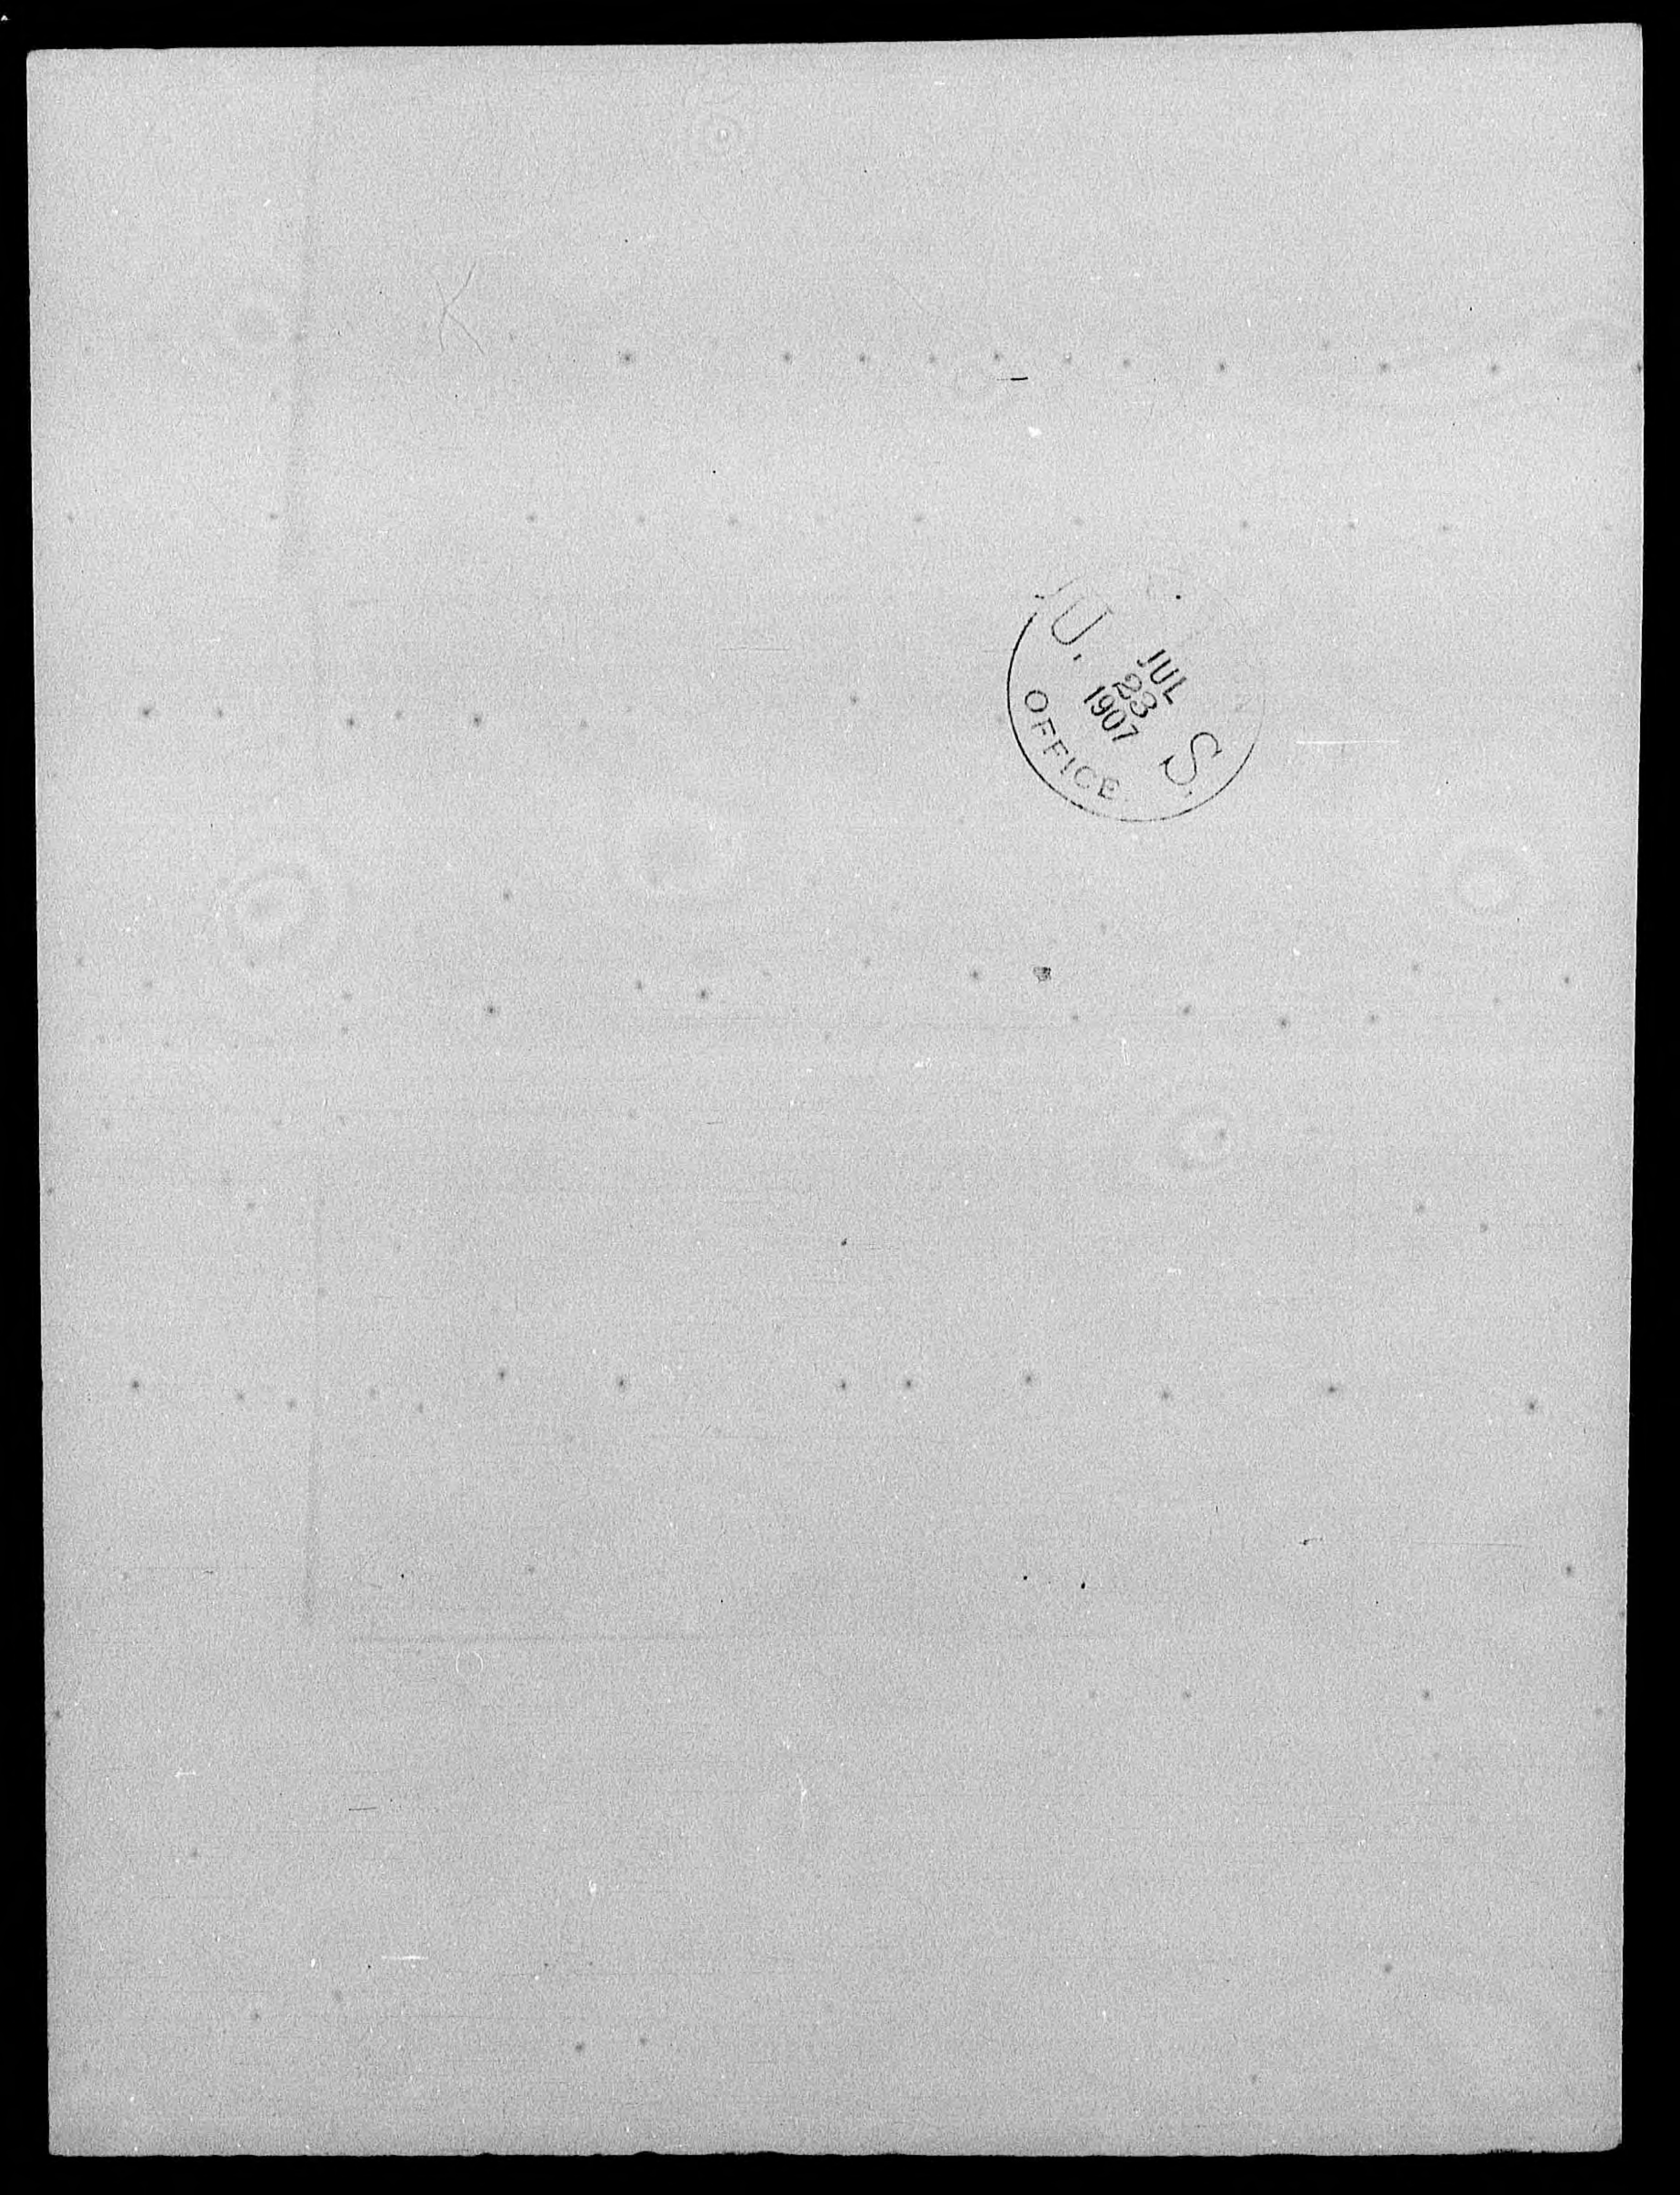[stamp] U. S. PENSION OFFICE JUL 23 1907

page: 13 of 15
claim: survivor's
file: S. 29,166, Dayton Fuller, Conn.